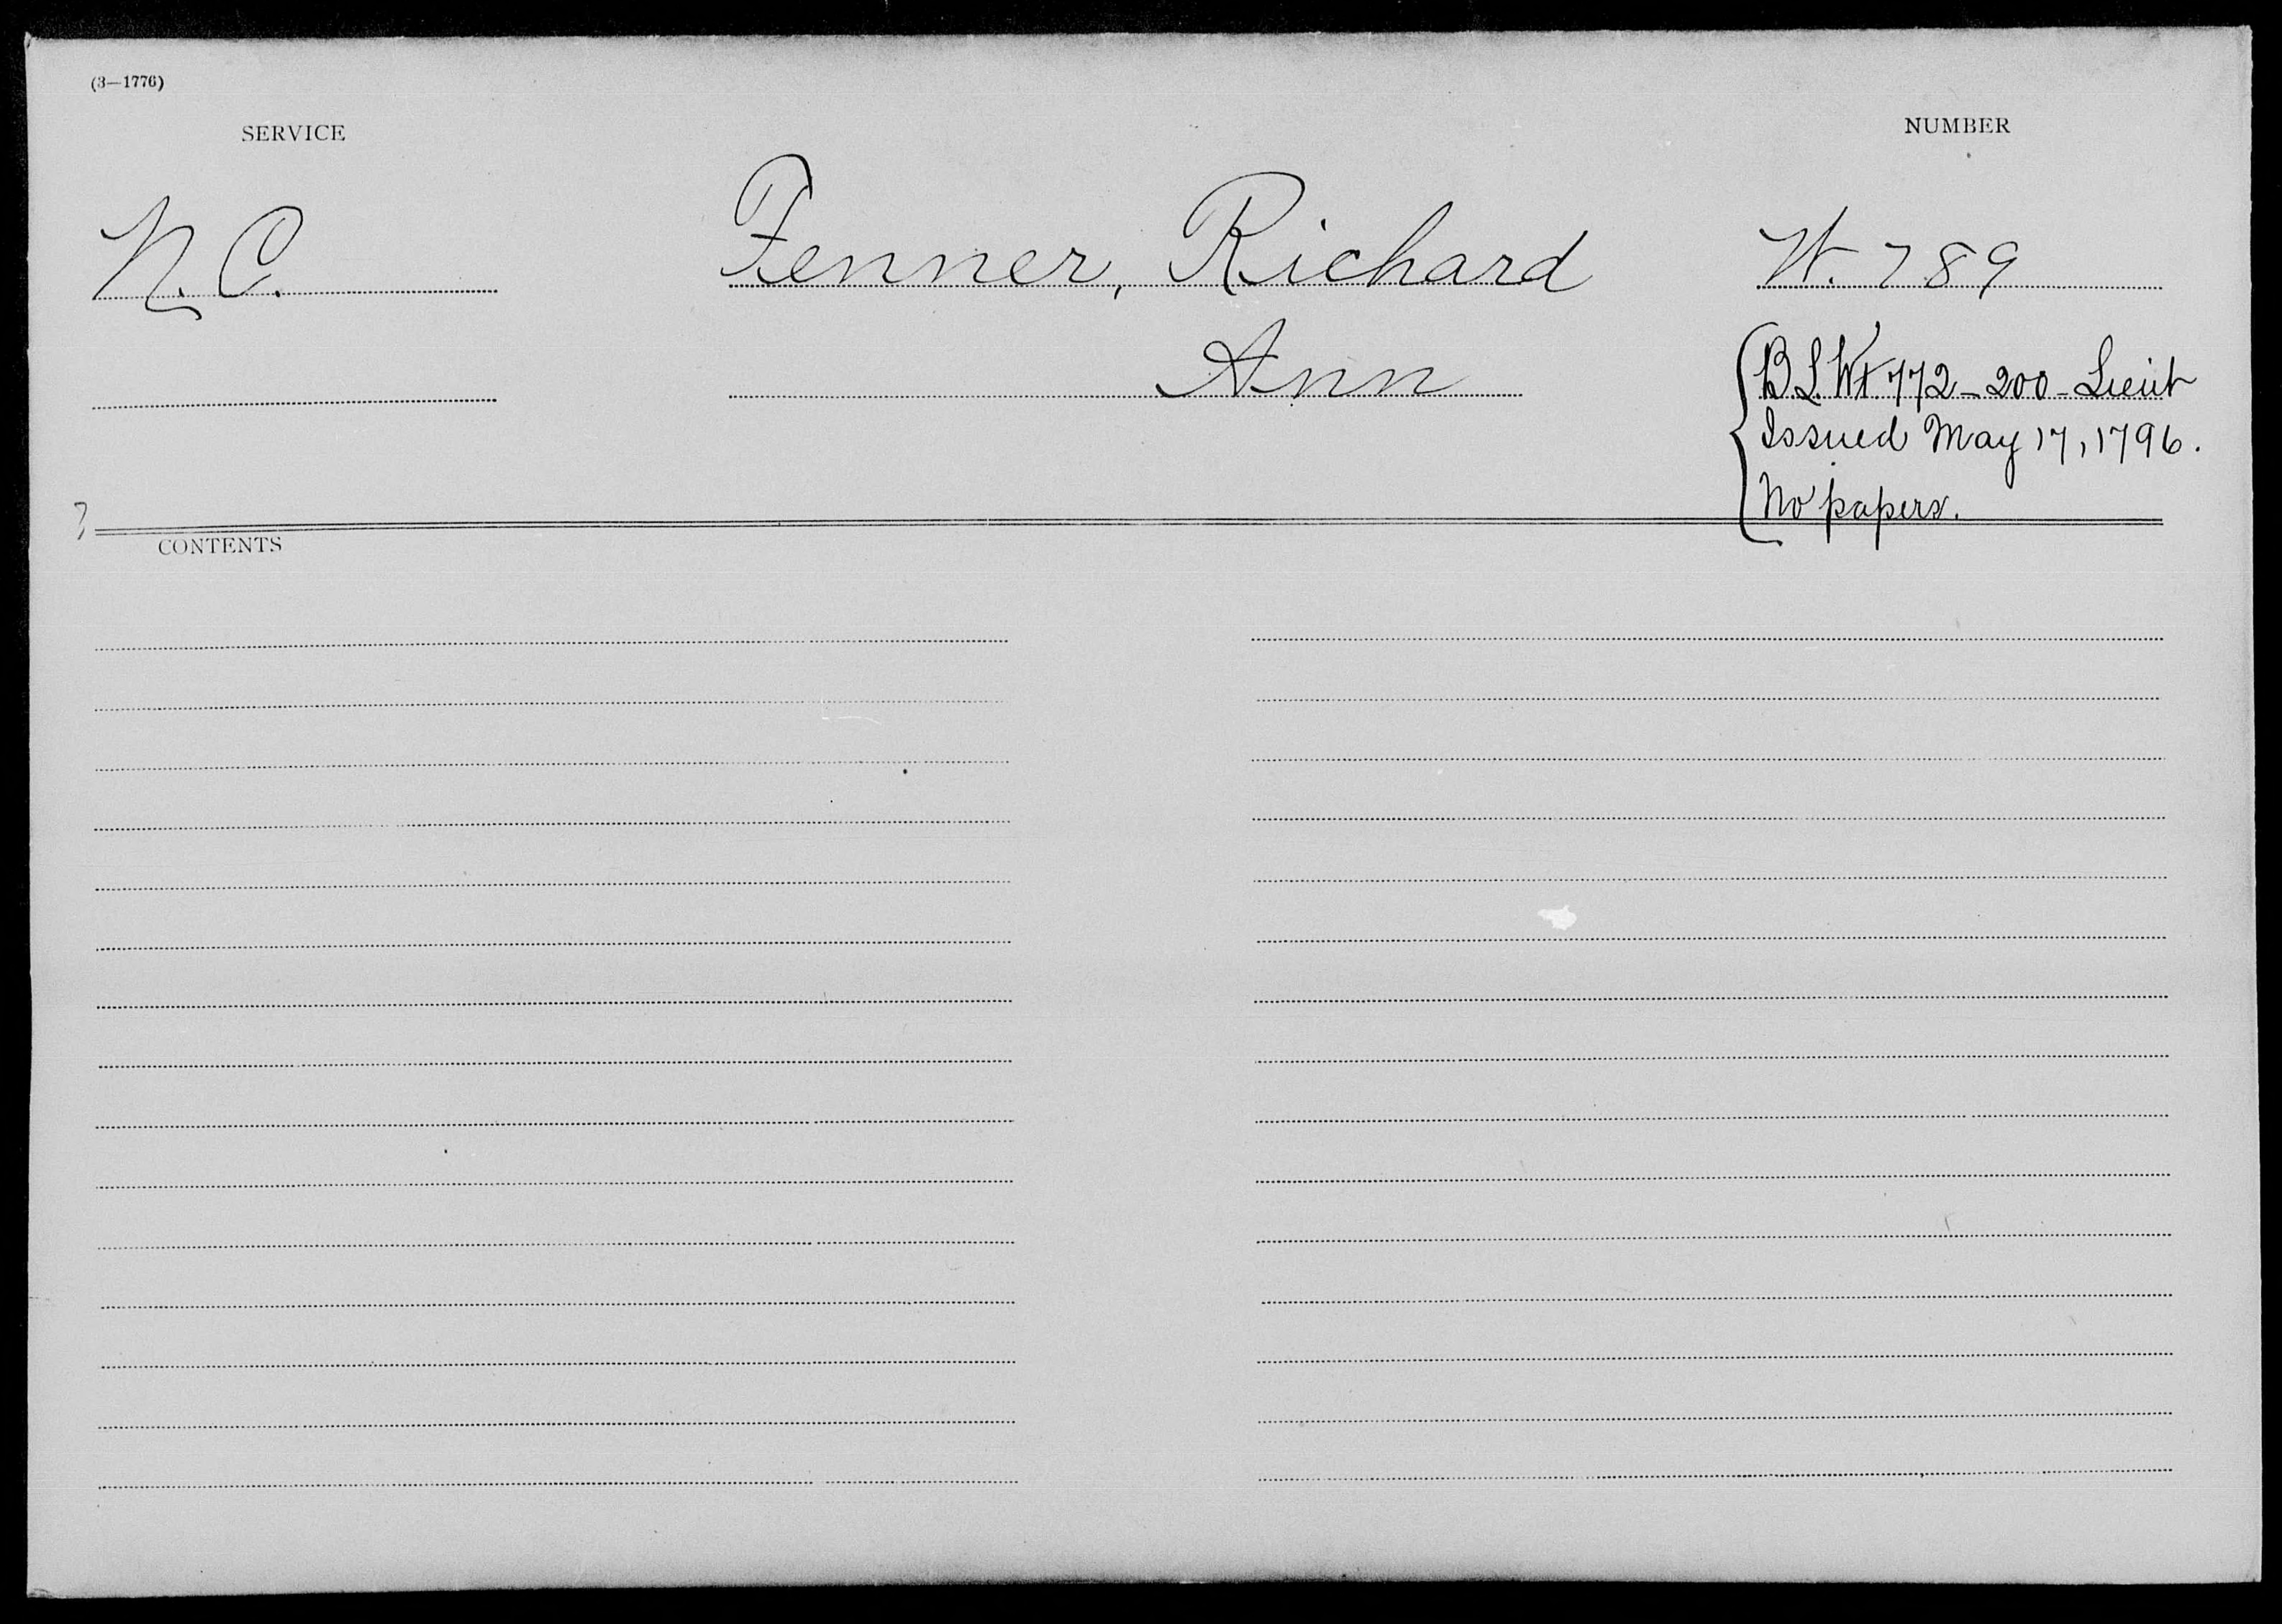Service: N.C.

Fenner, Richard

Ann

Number: W.789

(BL Wt 772-200-Lieut
Issued May 17, 1796
No papers.)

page: 1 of 39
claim: widow's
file: W. 789, Richard Fenner, N.C.